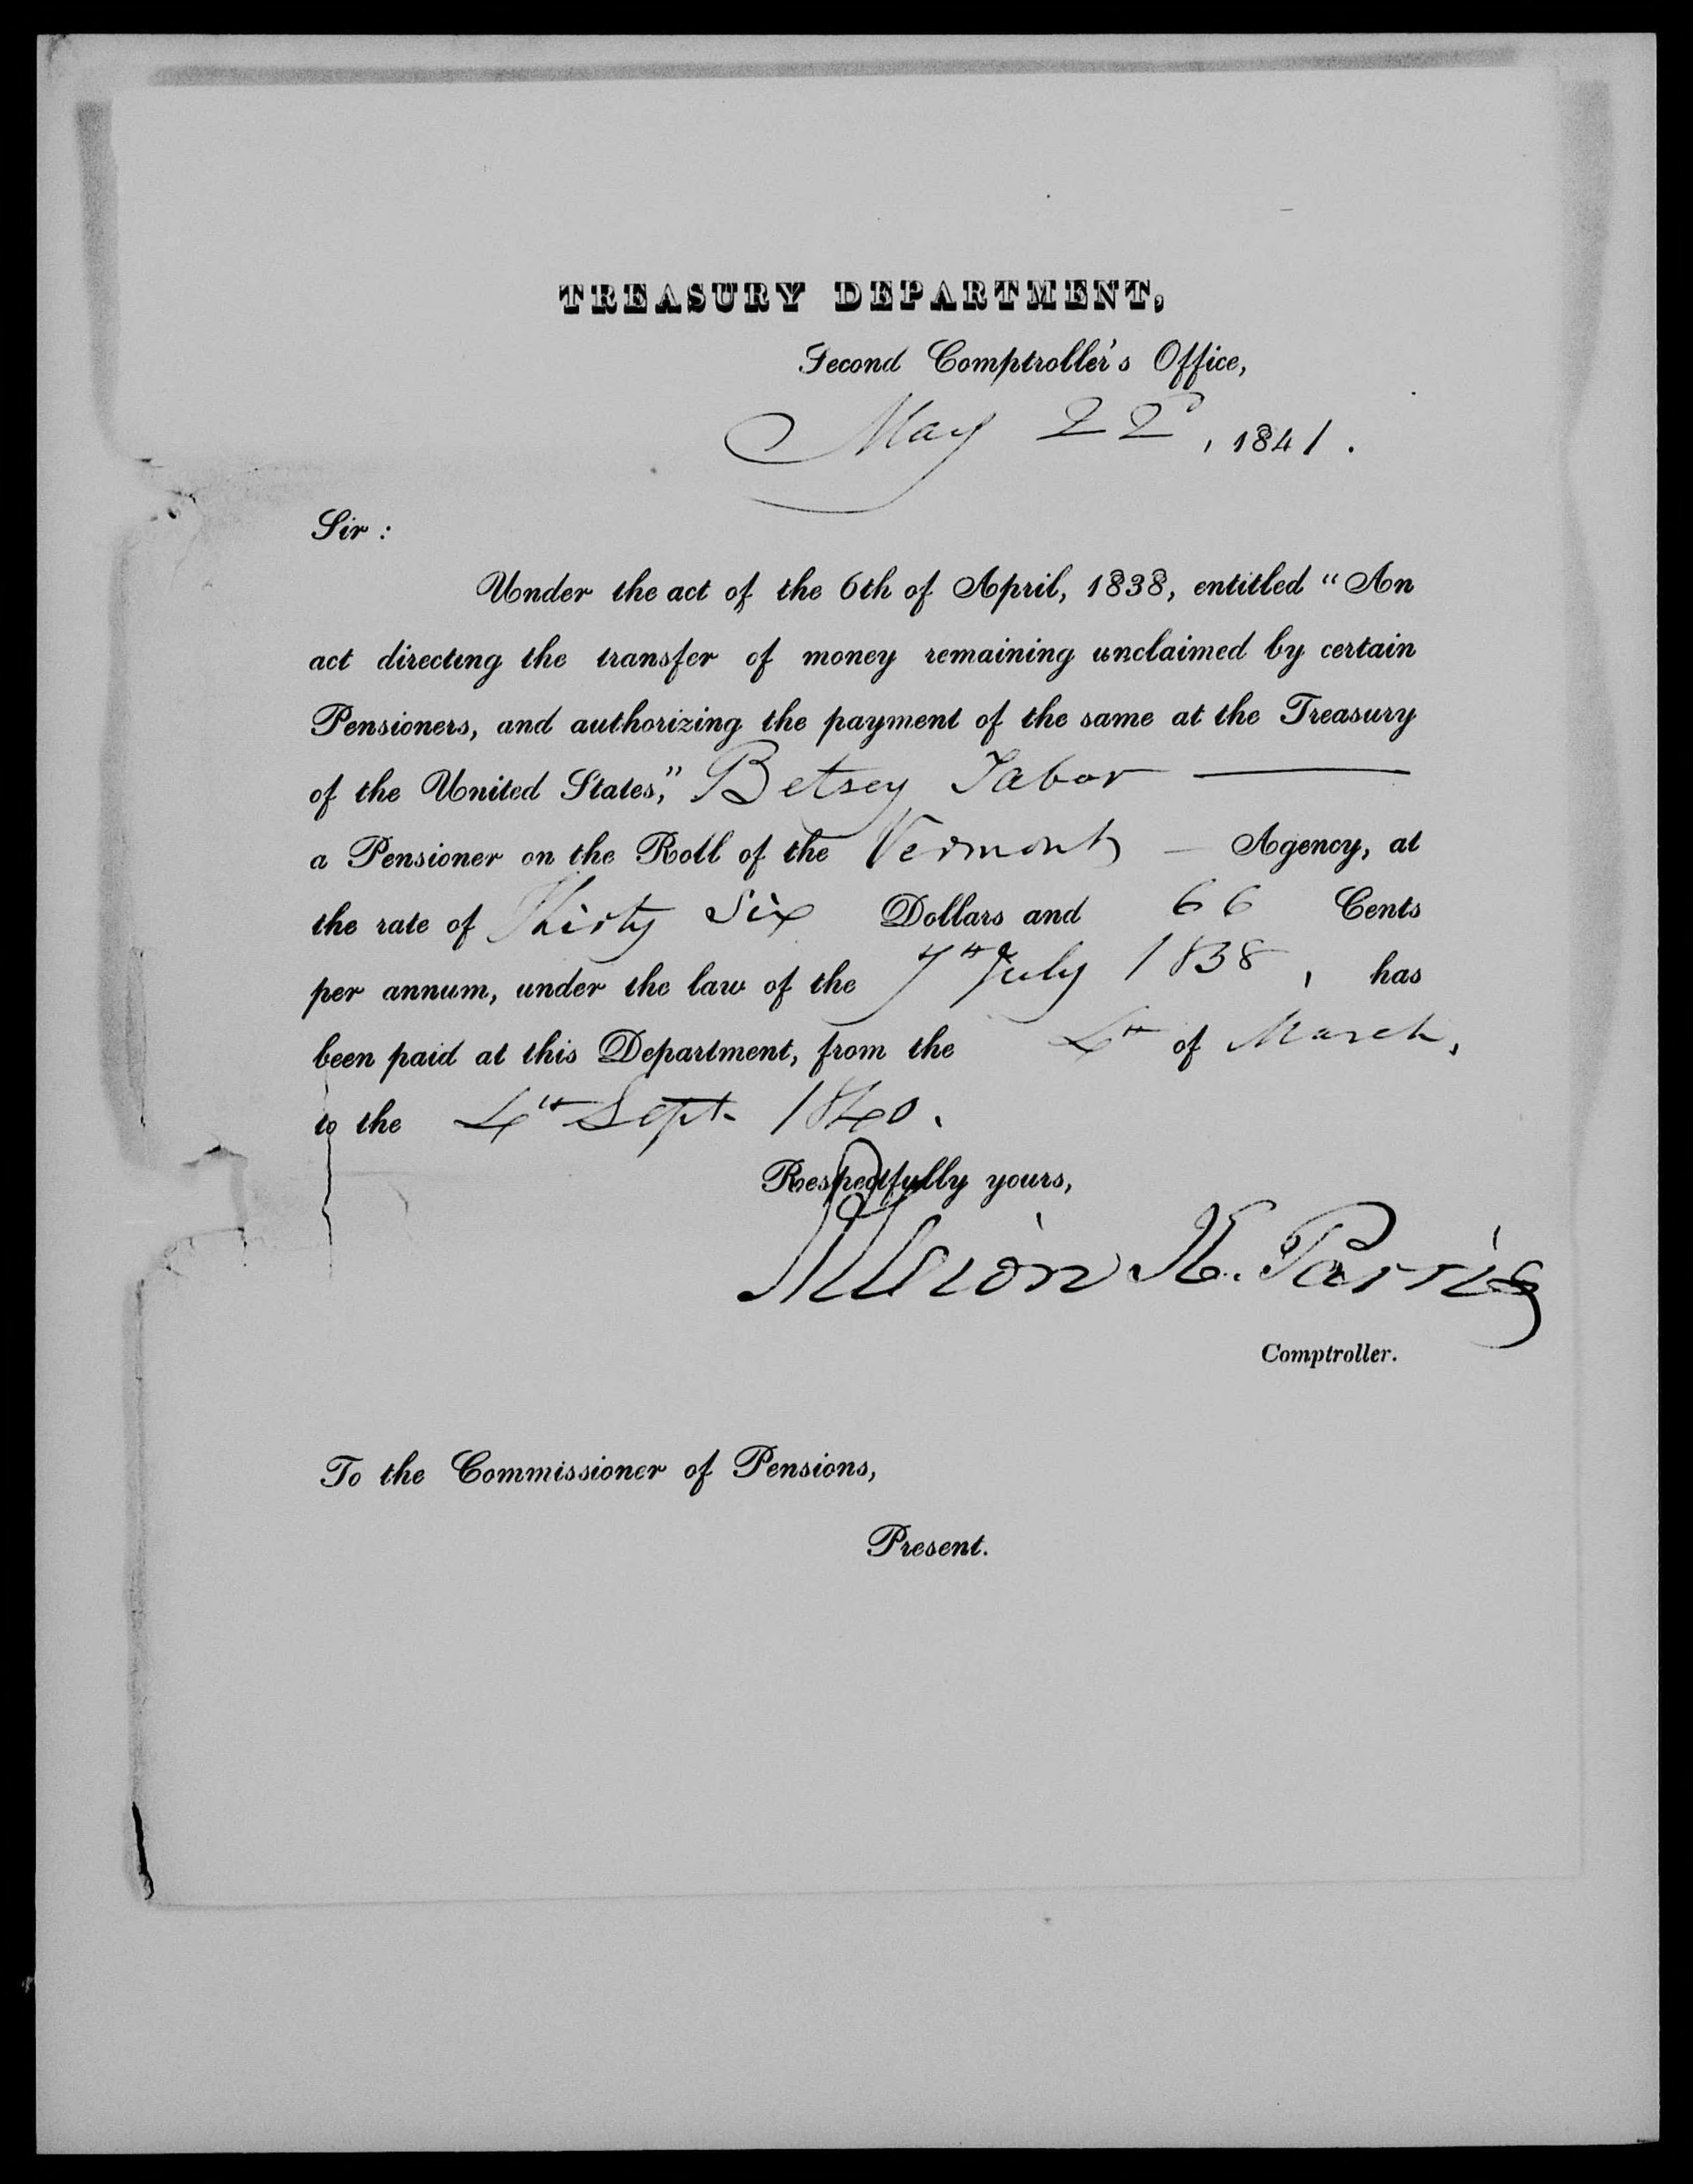TREASURY DEPARTMENT,
Second Comptroller's Office
May 22d 1841

Sir
Under the act of the 6th April 1838, entitled "An act directing the transfer of money remaining unclaimed by certain Pensioners, and authorizing the payment of the same at the Treasury of the United States," Betsey Tabor a Pensioner on the Roll of the Vermont Agency, at the rate of Thirty Six dollars and 66 Cents per annum, under the law of the 7th July 1838, has been paid at this Department, from the 4th of March to the 4th Sept. 1840.
Respectfully yours,
Albian K. Parris
Comptroller

To the Commissioner of Pensions,
Present.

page: 30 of 41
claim: widow's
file: W 26507, for Church Tabor, Massachusetts